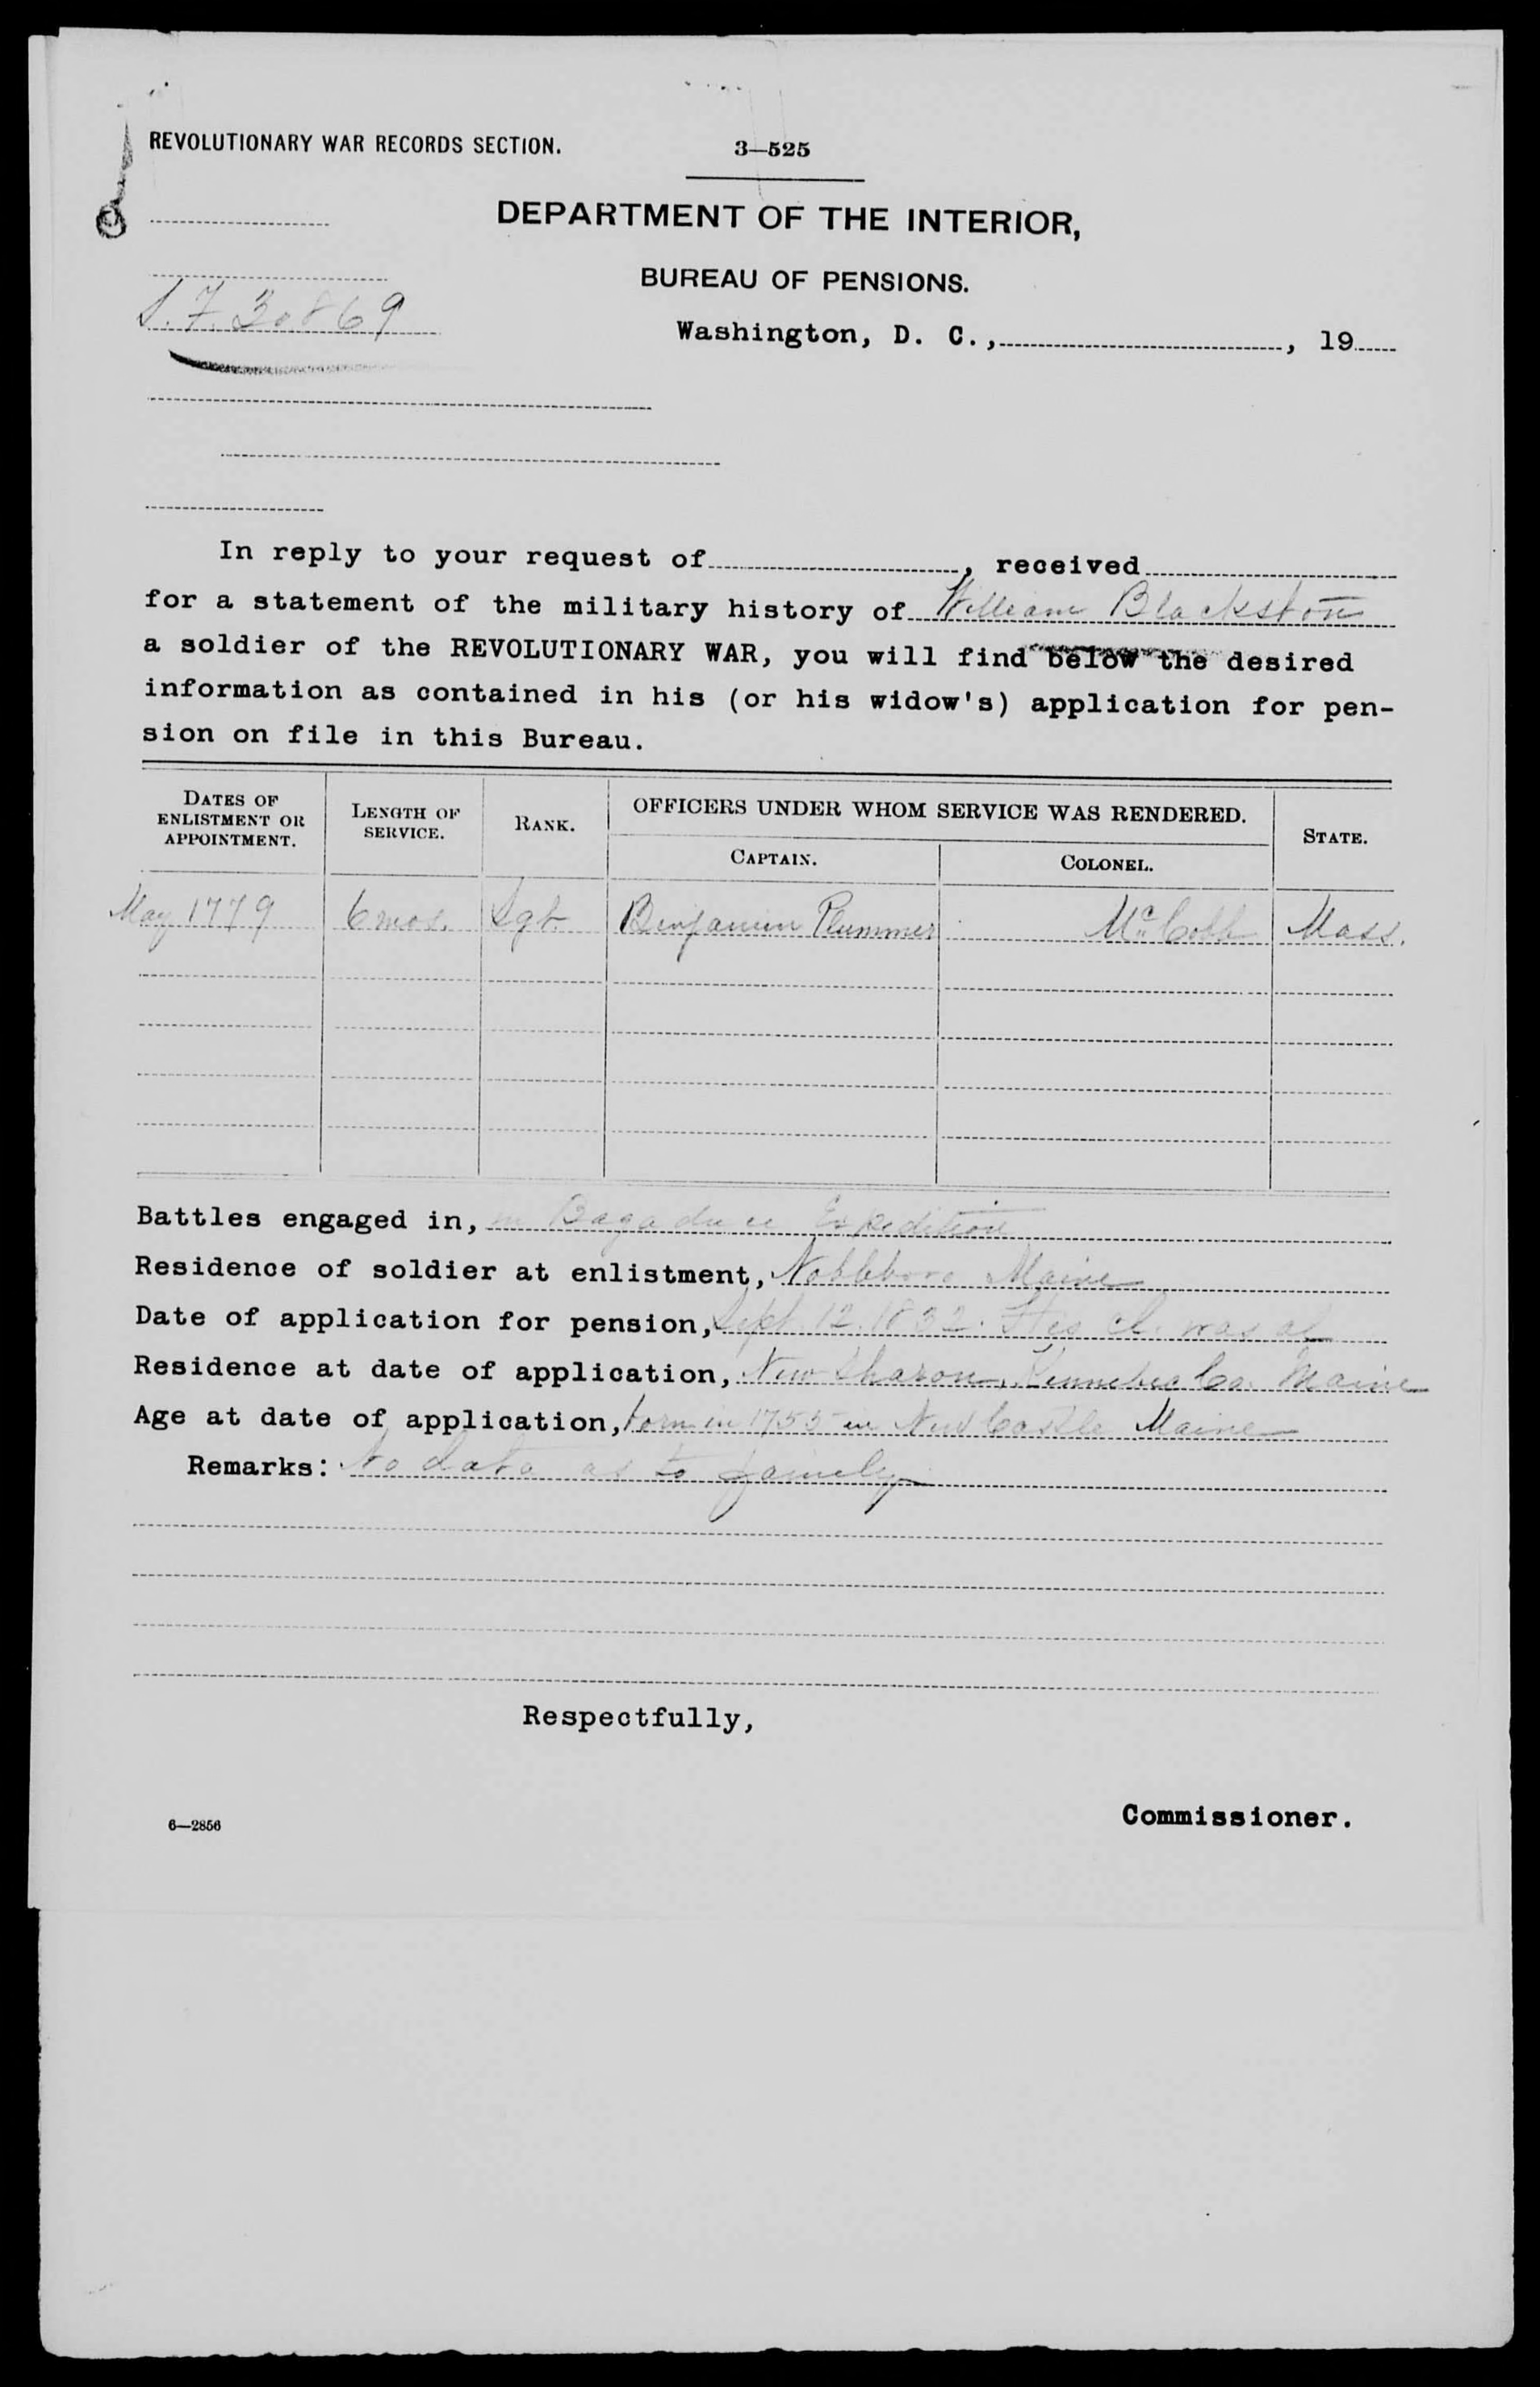REVOLUTIONARY WAR RECORDS SECTION.  3--525
DEPARTMENT OF THE INTERIOR,
BUREAU OF PENSIONS.
S.7.3.869   Washington, D. C. , ........... , 19.....

In reply to your request of ...., received .......
for a statement of the military history of William Blackston
a soldier of the REVOLUTIONARY WAR, you will find below the desired
information as contained in his (or his widow's) application for 
pension on file in this Bureau.

DATES OF                LENGTH OF   RANK.   OFFICERS UNDER WHOM SERVICE WAS RENDERED     STATE.
ENLISTMENT OR       SERVICE.     
APPOINTMENT.                                                            CAPTAIN.                    COLONEL

May 1779                   6 mos.          Sgt                       Benjamin Plummer          McCobb                Mass.


Battles engaged in, in Bagaduce Expedition
Residence of soldier at enlistment, Nobleboro Maine
Date of application for pension, Sept 12. 1832. His cl. was al.
Residence at date of application, New Sharon Kennebec Co. Maine
Age at date of application, born in 1755 in New Castle Maine
Remarks: No data as to family   

Respectfully,
Commissioner.
6--2858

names: Benjamin Plummer, Mc Cobb, William Blackston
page: 7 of 14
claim: survivor's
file: S. 30,869, William Blackston, Mass.